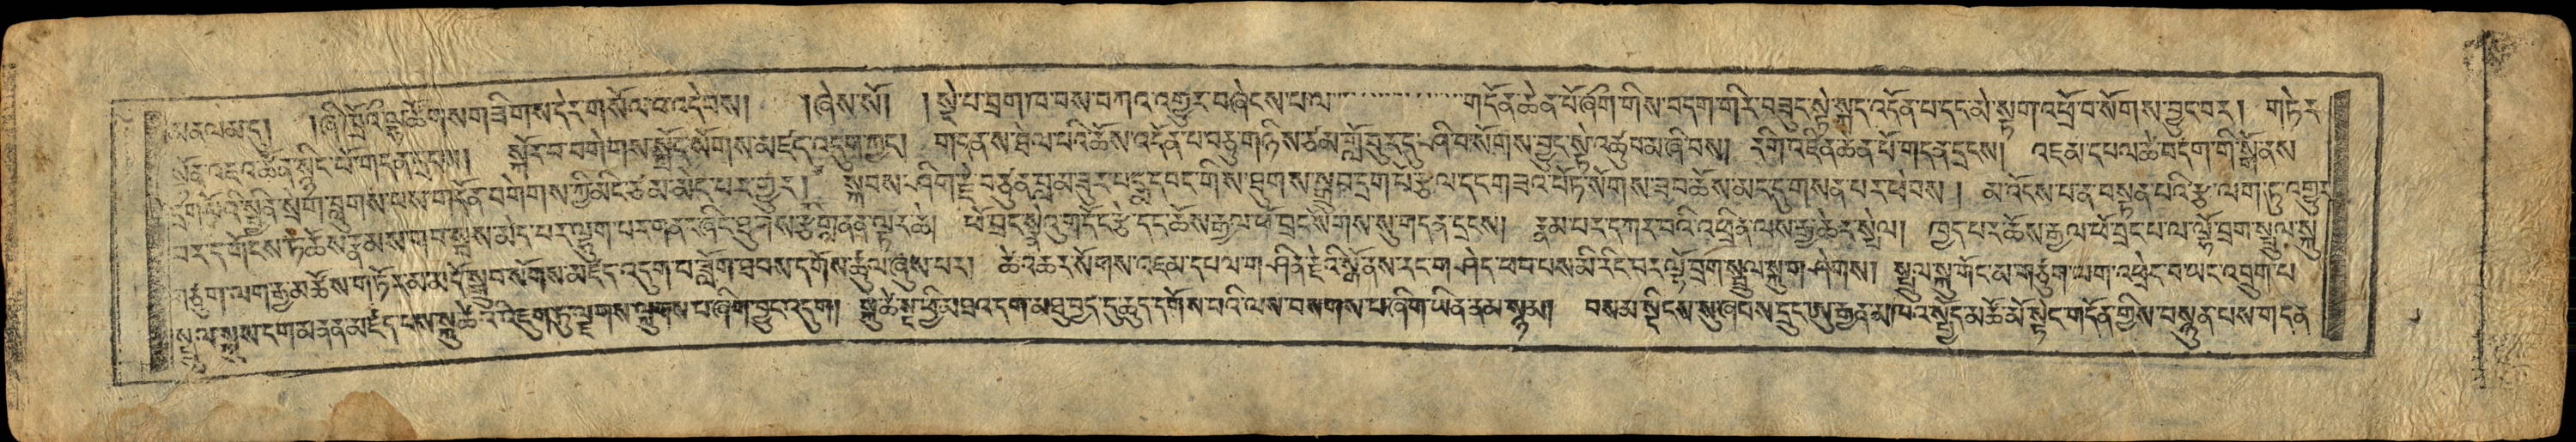མན་ལམ་དུ། །ཞི་ཁྲོཨཱྀ་ལྷ་ཚོགས་གཟིགས་དེར་གསོལ་བ་འདེབས། །ཞེས་སོ། །སྡེ་པ་བྲག་ཁ་བས་བཀའ་འགྱུར་བཞངས་པ་ལ་གདོན་ཆེན་པོ་ཞྀག་གིས་བདག་གིར་བཟུང་སྟེ་སྐད་འདོན་བ་དང་མ་སྟག་འཕྲོ་བ་སོགས་བྱུང་བར། གཏེར་
སྟོན་འཇའ་ཚོན་སྙིང་པོ་གདན་དྲངས། སྐོར་བ་བགེགས་སྐྲོད་སོགས་མཛད་འདུག་ཀྱང་། གདན་ས་ཐེལ་པའི་ཆོས་འདོན་པ་བཅུ་གཉིས་ཙམ་གློ་བུར་དུ་ཤི་བ་སོགས་བྱུང་སྟེ་འཚུབ་མ་ཞི་བས། རིག་འཛིན་ཆེན་པོ་གདན་དྲངས། འཇམ་དཔལ་ཆེ་བདག་གི་སྒོ་ནས་
དྲག་པོའི་སྦྱིན་སྲེག་བླུགས་པས་གདོན་བགེགས་ཀྱི་མིང་ཙམ་མེད་པར་གྱུར། སྐབས་ཤིག་རྗེ་བཙུན་བླ་མ་ཟུར་པདམ་དབང་གིས་ཐུགས་སྒྲུབ་དྲག་པོ་རྩལ་དང་གཟའ་པོ་ཏ་སོགས་ཟབ་ཆོས་མང་དུ་གསན་པར་ཕེབས། མ་འོངས་པ་ན་བསྟན་པའི་རྩ་ལག་ཏུ་འགྱུར་
བར་དགོངས་ཏེ་ཆོས་རྣམས་གབ་སྦས་མེད་པར་ལྷུག་པར་གནང་ཞིང་ཐུགས་རྩིགས་ནན་ལྟར་ཆེ། ཕོ་བྲང་སྣེའུ་གདོང་རྩེ་དད་ཆོས་རྒྱལ་ཕོ་བྲང་སོགས་སུ་གདན་དྲངས། རྣམ་པར་དཀར་བའི་འཕྲིན་ལས་རྒྱ་ཆེར་སྤེལ། ཁྱད་པར་ཆོས་རྒྱལ་ཕོ་བྲང་པ་ལ་ལྷོ་བྲག་སྤྲུལ་སྐུ་
གཅུག་ལག་རྒྱ་མཚོས་གཏོར་མ་མདོ་སྒྲུབ་སོགས་མཛད་འདུག་པ་ཟློག་ཐབས་དགོས་ཚུལ་ཞུས་པར། ཚེ་འཆར་སོགས་འཇམ་དཔལ་གཤིན་རྗེའི་སྒོ་ནས་རང་གཤེད་ཕབ་པས་མི་རིང་བར་ལྷོ་བྲག་སྤྲུལ་སྐུ་གཤེགས། སྤྲུལ་སྐུ་གོང་མ་གཙུག་ལག་འཕྲེང་བ་ཡང་འབྲུག་པ་
སྤྲུལ་སྐུས་ངག་མནན་མཛད་པས་སྐུ་ཚེའི་འཇུག་ཏུ་ལྟགས་ལྐུགས་པ་ཞིག་བྱུང་འདུག །སྐུ་ཆེ་སྔ་ཕྱི་མཐའ་དག་མཐུ་བྱད་དུ་ཆུད་དགོས་པའི་ལས་བསགས་པ་ཞིག་ཡིན་ནམ་སྙམ། བསམ་སྡིངས་སུ་ཞབས་དྲུང་ཨུ་རྒྱན་མཁའ་སྤྱོད་མཚོ་མོ་སྟེང་གདོན་གྱིས་བ་སྙུན་པས་གདན་